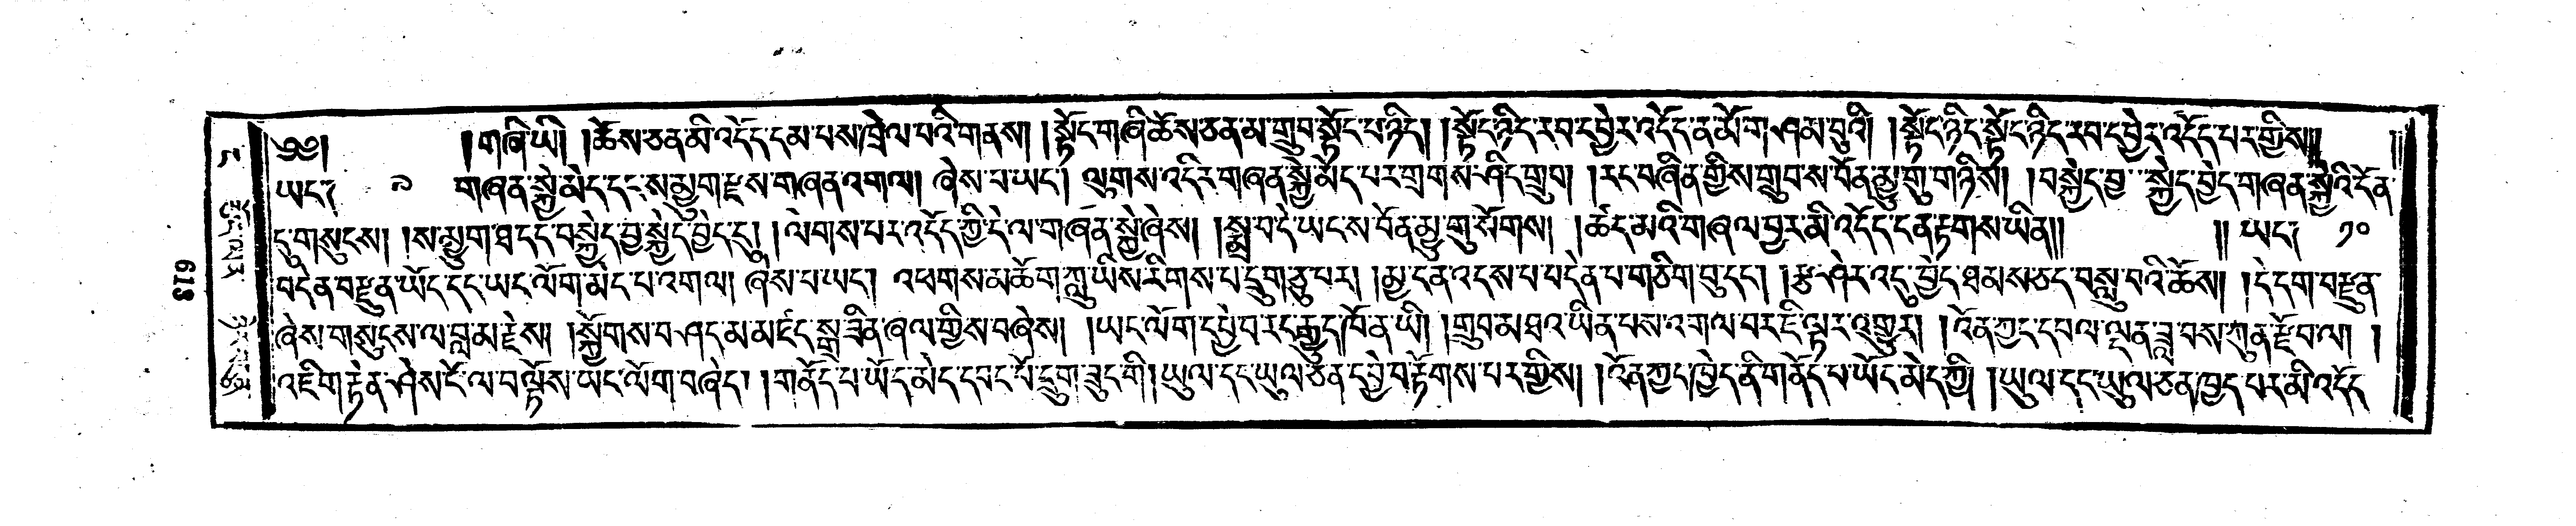༄༅། །གཞི་ཡི། །ཆོས་ཅན་མི་འདོད་དམ་པས་ཁྲེལ་བའི་གནས། །སྟོང་གཞི་ཆོས་ཅན་མ་གྲུབ་སྟོང་པ་ཉིད། །སྟོང་ཉིད་རབ་དབྱེར་འདོད་ན་མོ་གཤམ་བུའི། །སྟོང་ཉིད་སྟོང་ཉིད་རབ་དབྱེར་འདོད་པར་གྱིས།། །།
ཡང༑ ༩་གཞན་སྐྱེ་མེད་དང་ས་མྱུག་རྫས་གཞན་འགལ། ཞེས་པ་ཡང་། ལུགས་འདིར་གཞན་སྐྱེ་མེད་པར་གྲགས་ཤིང་གྲུབ། །རང་བཞིན་གྱིས་གྲུབ་ས་བོན་མྱུ་གུ་གཉིས། །བསྐྱེད་བྱ་སྐྱེད་བྱེད་གཞན་སྐྱེའི་དོན་
དུ་གསུངས། །ས་མྱུག་ཐ་དད་བསྐྱེད་བྱ་སྐྱེད་བྱེད་དུ། །ལེགས་པར་འདོད་ཀྱི་དེ་ལ་གཞན་སྐྱེ་ཞེས། །སྨྲ་བ་དེ་ཡང་ས་བོན་མྱུ་གུ་སོགས། །ཚད་མའི་གཞལ་བྱར་མི་འདོད་ངན་རྟགས་ཡིན།། །།ཡང་། ༡༠
བདེན་བརྫུན་ཡོད་དང་ཡང་ལོག་མེད་པ་འགལ། ཞེས་པ་ཡང་། འཕགས་མཆོག་ཀླུ་ཡིས་རིགས་པ་དྲུག་ཅུ་པར། །མྱ་ངན་འདས་པ་བདེན་པ་གཅིག་པུ་དང་། །རྩ་ཤེར་འདུ་བྱེད་ཐམས་ཅད་བསླུ་བའི་ཆོས། །དེ་དག་བརྫུན་
ཞེས་གསུངས་ལ་བླ་མ་རྗེས། །སྐྱོགས་བཤད་མ་མཛད་སྒྲ་ཟིན་ཞལ་གྱིས་བཞེས། །ཡང་ལོག་དབྱེ་བ་རང་རྒྱུད་ཁོ་ན་ཡི། །གྲུབ་མཐའ་ཡིན་པས་འགལ་བར་ཇི་ལྟར་འགྱུར། །འོན་ཀྱང་དཔལ་ལྡན་ཟླ་བས་ཀུན་རྫོབ་ལ། །
འཇིག་རྟེན་ཤེས་ངོ་ལ་བལྟོས་ཡང་ལོག་བཞེད། །གནོད་པ་ཡོད་མེད་དབང་པོ་དྲུག་ཟུང་གི །ཡུལ་དང་ཡུལ་ཅན་དབྱེ་བ་རྟོགས་པར་གྱིས། །འོན་ཀྱང་ཁྱེད་ནི་གནོད་པ་ཡོད་མེད་ཀྱི། །ཡུལ་དང་ཡུལ་ཅན་ཁྱད་པར་མི་འདོད་